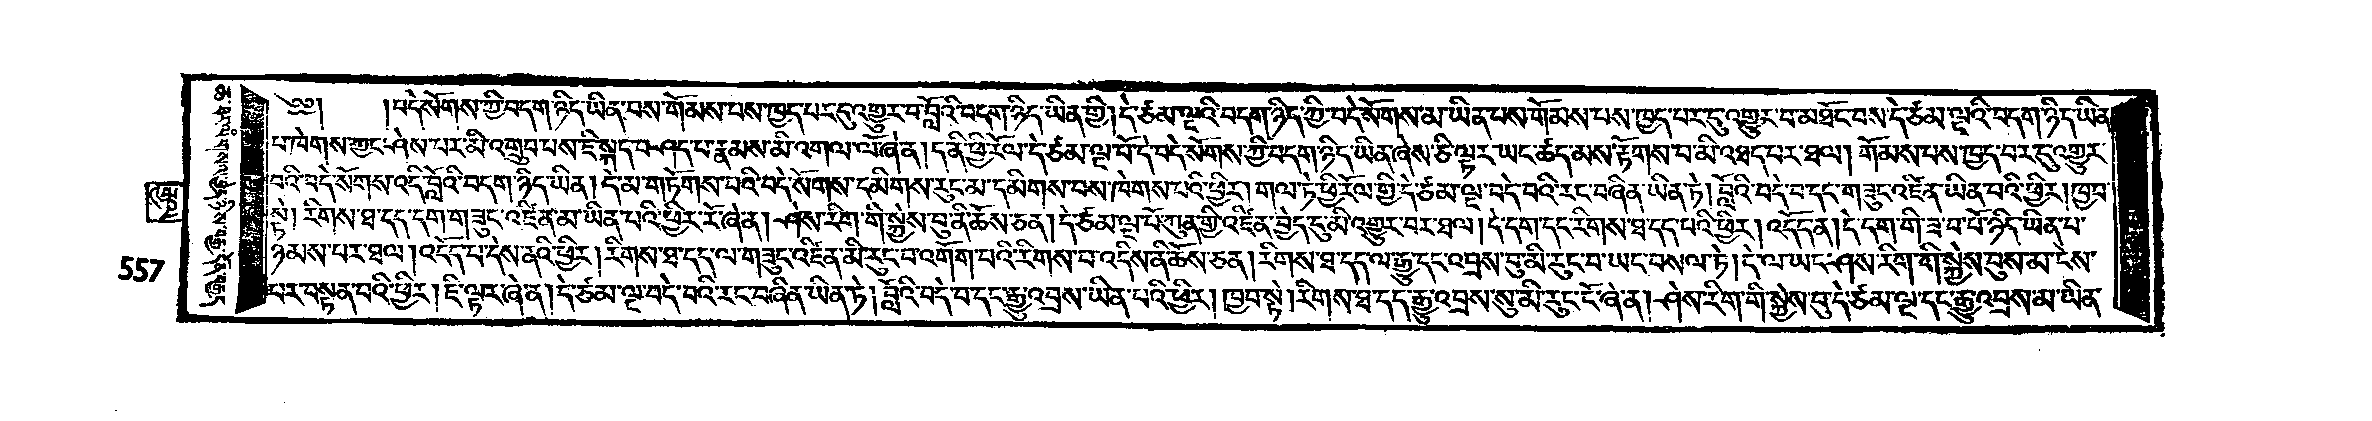༄༅། །བདེ་སོགས་ཀྱི་བདག་ཉིད་ཡིན་པས་གོམས་པས་ཁྱད་པར་དུ་འགྱུར་བ་བློའི་བདག་ཉིད་ཡིན་གྱི། དེ་ཙམ་ལྔའི་བདག་ཉིད་ཀྱི་བདེ་སོགས་མ་ཡིན་པས་གོམས་པས་ཁྱད་པར་དུ་འགྱུར་བ་མཐོང་བས་དེ་ཙམ་ལྔའི་བདག་ཉིད་ཡིན་
པ་ཁེགས་ཀྱང་ཤེས་པར་མི་འགྲུབ་པས་ཇི་སྐད་བཤད་པ་རྣམས་མི་འགལ་ལོ་ཞེ་ན། ད་ནི་ཕྱི་རོལ་དེ་ཙམ་ལྔ་པོ་དེ་བདེ་སོགས་ཀྱི་བདག་ཉིད་ཡིན་ཞེས་ཅི་ལྟར་ཡང་ཚད་མས་རྟོགས་པ་མི་འཐད་པར་ཐལ། གོམས་པས་ཁྱད་པར་དུ་འགྱུར་
བའི་བདེ་སོགས་འདི་བློའི་བདག་ཉིད་ཡིན། དེ་མ་གཏོགས་པའི་བདེ་སོགས་དམིགས་རུང་མ་དམིགས་པས་ཁེགས་པའི་ཕྱིར། གལ་ཏེ་ཕྱི་རོལ་གྱི་དེ་ཙམ་ལྔ་བདེ་བའི་རང་བཞིན་ཡིན་ཏེ། བློའི་བདེ་བ་དང་གཟུང་འཛིན་ཡིན་པའི་ཕྱིར། ཁྱབ་
སྟེ། རིགས་ཐ་དད་དག་གཟུང་འཛིན་མ་ཡིན་པའི་ཕྱིར་རོ་ཞེ་ན། ཤེས་རིག་གི་སྐྱེས་བུ་ནི་ཆོས་ཅན། དེ་ཙམ་ལྔ་པོ་ཀུན་གྱི་འཛིན་བྱེད་དུ་མི་འགྱུར་བར་ཐལ། དེ་དག་དང་རིགས་ཐ་དད་པའི་ཕྱིར། འདོད་ན། དེ་དག་གི་ཟ་བ་པོ་ཉིད་ཡིན་པ་
ཉམས་པར་ཐལ། འདོད་པ་དེས་ནའི་ཕྱིར། རིགས་ཐ་དད་ལ་གཟུང་འཛིན་མི་རུང་བ་འགོག་པའི་རིགས་པ་འདིས་ནི་ཆོས་ཅན། རིགས་ཐ་དད་ལ་རྒྱུ་དང་འབྲས་བུ་མི་རུང་བ་ཡང་བསལ་ཏེ། དེ་ལ་ཡང་ཤས་རིག་གི་སྐྱེས་བུས་མ་ངེས་
པར་བསྟན་པའི་ཕྱིར། ཇི་ལྟར་ཞེ་ན། དེ་ཙམ་ལྔ་བདེ་བའི་རང་བཞིན་ཡིན་ཏེ། བློའི་བདེ་བ་དང་རྒྱུ་འབྲས་ཡིན་པའི་ཕྱིར། ཁྱབ་སྟེ། རིགས་ཐ་དད་རྒྱུ་འབྲས་སུ་མི་རུང་ངོ་ཞེ་ན། ཤེས་རིག་གི་སྐྱེས་བུ་དེ་ཙམ་ལྔ་དང་རྒྱུ་འབྲས་མ་ཡིན་